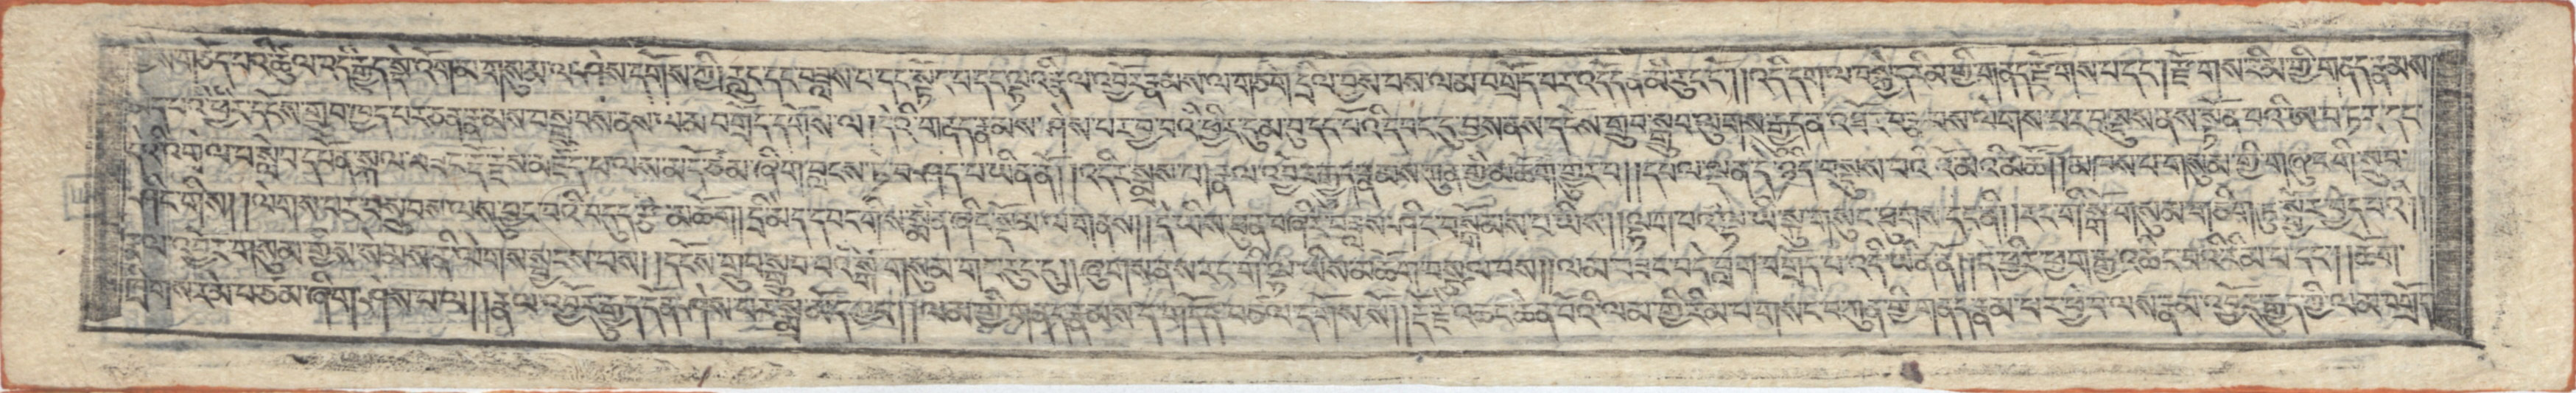གྱིས་གཅོད་པའི་ཚུལ་འདི་རྒྱུད་སྡེ་འོག་མ་གསུམ་ལ་ཤེས་དགོས་ཀྱི། རླུང་དང་བཟླས་པ་དང་སྟོང་པ་དང་ལྷའི་རྣལ་འབྱོར་རྣམས་ལ་གཅིག་དྲིལ་བྱས་པས་ལམ་བགྲོད་པར་འདོད་ན་མི་རུང་ངོ། །འདི་དག་ལ་བསྐྱེད་རིམ་གྱི་གནད་རྫོགས་པ་དང་། རྫོགས་རིམ་གྱི་གནད་རྣམས་
མེད་པའི་ཕྱིར་དངོས་གྲུབ་ཁྱད་པར་ཅན་རྣམས་བསྒྲུབས་ནས་ལམ་བགྲོད་དགོས་ལ། དེའི་གནད་རྣམས་ཤེས་པར་བྱ་བའི་ཕྱིར་དུམ་བུ་དང་པོའི་དབང་དུ་བྱས་ནས་དངོས་གྲུབ་སྒྲུབ་ལུགས་རྒྱུད་ན་འཐོར་བ་རྣམས་ལེགས་པར་བསྡུས་ནས་སྟོན་པའི་ཨ་བ་ཏ་ར་དང་
དེའི་འགྲེལ་པ་སླེབ་དཔོན་སྐལ་བཟང་རྡོ་རྗེ་མཛད་པ་ལས་མདོ་ཙམ་ཞིག་བླངས་ཏེ་བཤད་པ་ཡིན་ནོ། །འདིར་སྨྲས་པ། རྣལ་འབྱོར་རྒྱུད་རྣམས་ཀུན་གྱི་མཆོག་གྱུར་པ། །དཔལ་ལྡན་དེ་ཉིད་བསྡུས་པའི་འོ་མའི་མཚོ། །མཁས་པ་གསུམ་གྱི་གཞུང་གི་སྲུབ་
ཤིང་གིས། །ལེགས་པར་བསྲུབས་ལས་བྱུང་བའི་བདུད་རྩི་མཆོག །དྲི་མེད་དབང་གིས་སྨིན་ཞིང་སྡོམ་ལ་གནས། །དེ་ཡིས་ཐུན་བཞིར་བཟླས་ཤིང་བསྒོམས་པ་ཡིས། །ལྷག་པའི་ལྷ་ཡི་སྐུ་གསུང་ཐུགས་དང་ནི། །རང་གི་སྒོ་གསུམ་གཅིག་ཏུ་སྦྱོར་བྱེད་པའི། །
རྣལ་འབྱོར་གསུམ་གྱིས་སེམས་ནི་ལེགས་སྦྱངས་པས། །དངོས་གྲུབ་སྒྲུབ་པའི་སྒོ་གསུམ་གང་རུང་དུ། །ཞུགས་ནས་རང་གི་ལྷ་ཡིས་མཆོག་བསྩལ་བས། །ལམ་བཟང་བདེ་བླག་བགྲོད་པ་འདི་ཡིན་ནོ། །དེ་ཕྱིར་ཕྱག་རྒྱ་འཆིང་བའི་རིམ་པ་དང་། །ཆོག་
ཁྲིགས་རིམ་པ་ཙམ་ཞིག་ཤེས་པ་ལ། །རྣལ་འབྱོར་རྒྱུད་དོན་ཤེས་པར་སྨྲ་མོད་ཀྱང་། །ལམ་གྱི་གནད་རྣམས་ད་གདོད་བཙལ་དགོས་སོ། །རྡོ་རྗེ་འཆང་ཆེན་པོའི་ལམ་གྱི་རིམ་པ་གསང་བ་ཀུན་གྱི་གནད་རྣམ་པར་ཕྱེ་བ་ལས་རྣམ་འབྱོར་རྒྱུད་ཀྱི་ལམ་བགྲོད་